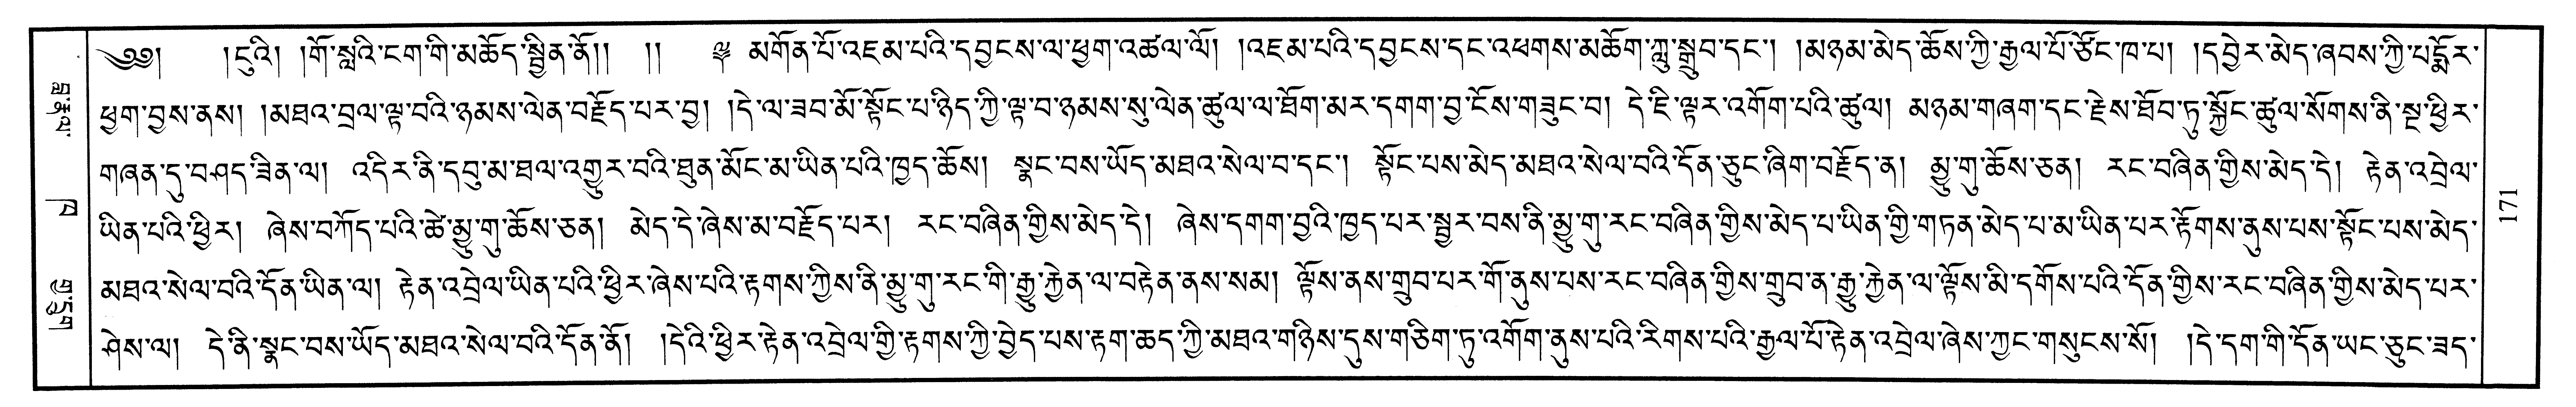༄༅། །ངུའི། །གོ་སླའི་ངག་གི་མཆོད་སྦྱིན་ནོ།། །། ༈ མགོན་པོ་འཇམ་པའི་དབྱངས་ལ་ཕྱག་འཚལ་ལོ། །འཇམ་པའི་དབྱངས་དང་འཕགས་མཆོག་ཀླུ་སྒྲུབ་དང་། །མཉམ་མེད་ཆོས་ཀྱི་རྒྱལ་པོ་ཙོང་ཁ་པ། །དབྱེར་མེད་ཞབས་ཀྱི་པདམོར་
ཕྱག་བྱས་ནས། །མཐའ་བྲལ་ལྟ་བའི་ཉམས་ལེན་བརྗོད་པར་བྱ། །དེ་ལ་ཟབ་མོ་སྟོང་པ་ཉིད་ཀྱི་ལྟ་བ་ཉམས་སུ་ལེན་ཚུལ་ལ་ཐོག་མར་དགག་བྱ་ངོས་གཟུང་བ། དེ་ཇི་ལྟར་འགོག་པའི་ཚུལ། མཉམ་གཞག་དང་རྗེས་ཐོབ་ཏུ་སྐྱོང་ཚུལ་སོགས་ནི་སྔ་ཕྱིར་
གཞན་དུ་བཤད་ཟིན་ལ། འདིར་ནི་དབུ་མ་ཐལ་འགྱུར་བའི་ཐུན་མོང་མ་ཡིན་པའི་ཁྱད་ཆོས། སྣང་བས་ཡོད་མཐའ་སེལ་བ་དང་། སྟོང་པས་མེད་མཐའ་སེལ་བའི་དོན་ཅུང་ཞིག་བརྗོད་ན། མྱུ་གུ་ཆོས་ཅན། རང་བཞིན་གྱིས་མེད་དེ། རྟེན་འབྲེལ་
ཡིན་པའི་ཕྱིར། ཞེས་བཀོད་པའི་ཚེ་མྱུ་གུ་ཆོས་ཅན། མེད་དེ་ཞེས་མ་བརྗོད་པར། རང་བཞིན་གྱིས་མེད་དེ། ཞེས་དགག་བྱའི་ཁྱད་པར་སྦྱར་བས་ནི་མྱུ་གུ་རང་བཞིན་གྱིས་མེད་པ་ཡིན་གྱི་གཏན་མེད་པ་མ་ཡིན་པར་རྟོགས་ནུས་པས་སྟོང་པས་མེད་
མཐའ་སེལ་བའི་དོན་ཡིན་ལ། རྟེན་འབྲེལ་ཡིན་པའི་ཕྱིར་ཞེས་པའི་རྟགས་ཀྱིས་ནི་མྱུ་གུ་རང་གི་རྒྱུ་རྐྱེན་ལ་བརྟེན་ནས་སམ། ལྟོས་ནས་གྲུབ་པར་གོ་ནུས་པས་རང་བཞིན་གྱིས་གྲུབ་ན་རྒྱུ་རྐྱེན་ལ་ལྟོས་མི་དགོས་པའི་དོན་གྱིས་རང་བཞིན་གྱིས་མེད་པར་
ཤེས་ལ། དེ་ནི་སྣང་བས་ཡོད་མཐའ་སེལ་བའི་དོན་ནོ། །དེའི་ཕྱིར་རྟེན་འབྲེལ་གྱི་རྟགས་ཀྱི་བྱེད་པས་རྟག་ཆད་ཀྱི་མཐའ་གཉིས་དུས་གཅིག་ཏུ་འགོག་ནུས་པའི་རིགས་པའི་རྒྱལ་པོ་རྟེན་འབྲེལ་ཞེས་ཀྱང་གསུངས་སོ། །དེ་དག་གི་དོན་ཡང་ཅུང་ཟད་